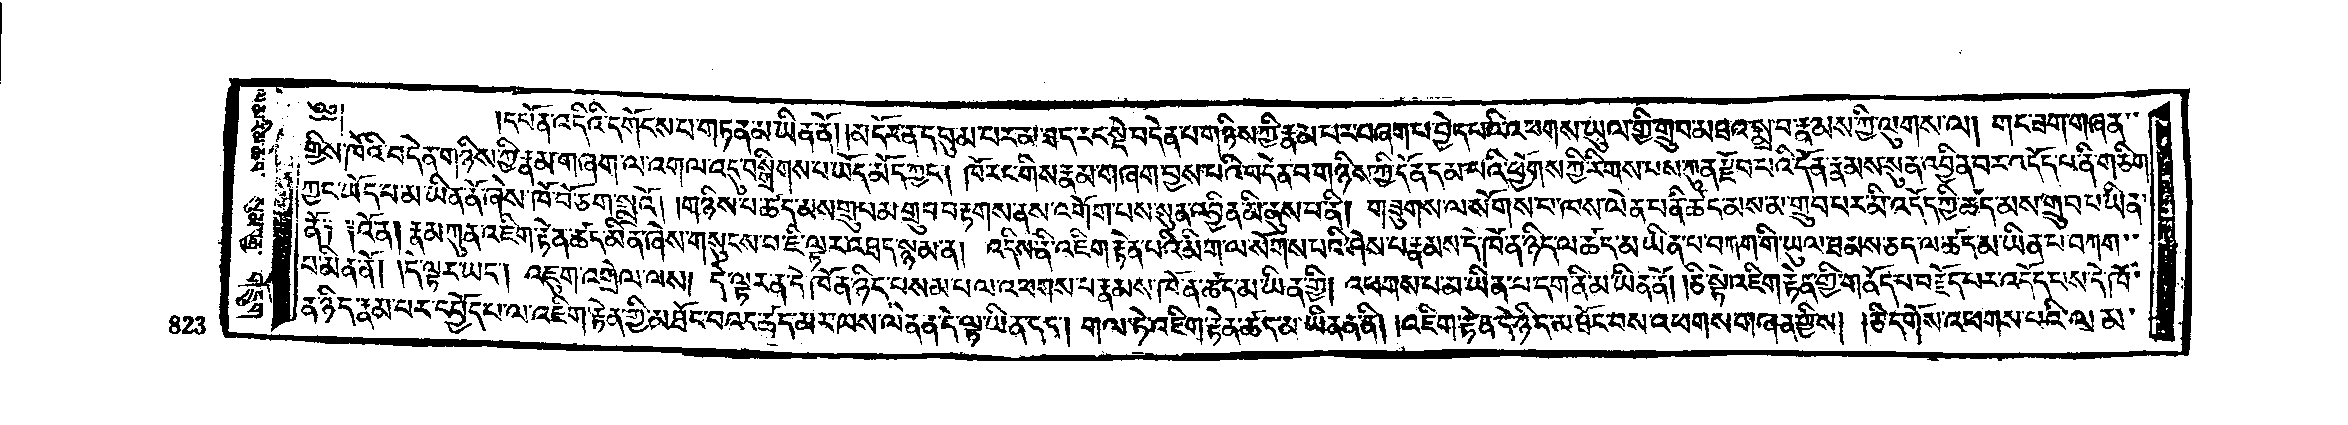༄༅། །དཔོན་འདིའི་དགོངས་པ་གཏན་མ་ཡིན་ནོ། །མདོར་ན་དབུ་མ་པར་མ་ཟད་རང་སྡེ་བདེན་པ་གཉིས་ཀྱི་རྣམ་པར་བཞག་པ་བྱེད་པའི་འཕགས་ཡུལ་གྱི་གྲུབ་མཐའ་སྨྲ་བ་རྣམས་ཀྱི་ལུགས་ལ། གང་ཟག་གཞན་
གྱིས་ཁོའི་བདེན་གཉིས་ཀྱི་རྣམ་གཞག་ལ་འགལ་འདུ་བསྒྲིགས་པ་ཡོད་མོད་ཀྱང་། ཁོ་རང་གིས་རྣམ་གཞག་བྱས་པའི་བདེན་པ་གཉིས་ཀྱི་དོན་དམ་པའི་ཕྱོགས་ཀྱི་རིགས་པས་ཀུན་རྫོབ་པའི་དོན་རྣམས་སུན་འབྱིན་པར་འདོད་པ་ནི་གཅིག་
ཀྱང་ཡོད་པ་མ་ཡིན་ནོ་ཞེས་ཁོ་བོ་ཅག་སྨྲའོ། །གཉིས་པ་ཚད་མས་གྲུབ་མ་གྲུབ་བརྟགས་ནས་འགོག་པས་སུན་འབྱིན་མི་ནུས་པ་ནི། གཟུགས་ལ་སོགས་པ་ཁས་ལེན་པ་ནི་ཚད་མས་མ་གྲུབ་པར་མི་འདོད་ཀྱི་ཚད་མས་གྲུབ་པ་ཡིན་
ནོ༑ ༑འོ་ན། རྣམ་ཀུན་འཇིག་རྟེན་ཚད་མིན་ཞེས་གསུངས་པ་ཇི་ལྟར་འཐད་སྙམ་ན། འདིས་ནི་འཇིག་རྟེན་པའི་མིག་ལ་སོགས་པའི་ཤེས་པ་རྣམས་དེ་ཁོ་ན་ཉིད་ལ་ཚད་མ་ཡིན་པ་བཀག་གི་ཡུལ་ཐམས་ཅད་ལ་ཚད་མ་ཡིན་པ་བཀག་
པ་མིན་ནོ། །དེ་ལྟར་ཡང་། འཇུག་འགྲེལ་ལས། དེ་ལྟར་ན་དེ་ཁོ་ན་ཉིད་བསམ་པ་ལ་འཕགས་པ་རྣམས་ཁོ་ན་ཚད་མ་ཡིན་གྱི། འཕགས་པ་མ་ཡིན་པ་དག་ནི་མ་ཡིན་ནོ། །ཅི་སྟེ་འཇིག་རྟེན་གྱི་གནོད་པ་བརྗོད་པར་འདོད་པས་དེ་ཁོ་
ན་ཉིད་རྣམ་པར་དཔྱོད་པ་ལ་འཇིག་རྟེན་གྱི་མཐོང་བའང་ཚད་མར་ཁས་ལེན་ན་དེ་ལྟ་ཡིན་དང་། གལ་ཏེ་འཇིག་རྟེན་ཚད་མ་ཡིན་ན་ནི། །འཇིག་རྟེན་དེ་ཉིད་མཐོང་བས་འཕགས་གཞན་གྱིས། །ཅི་དགོས་འཕགས་པའི་ལམ་